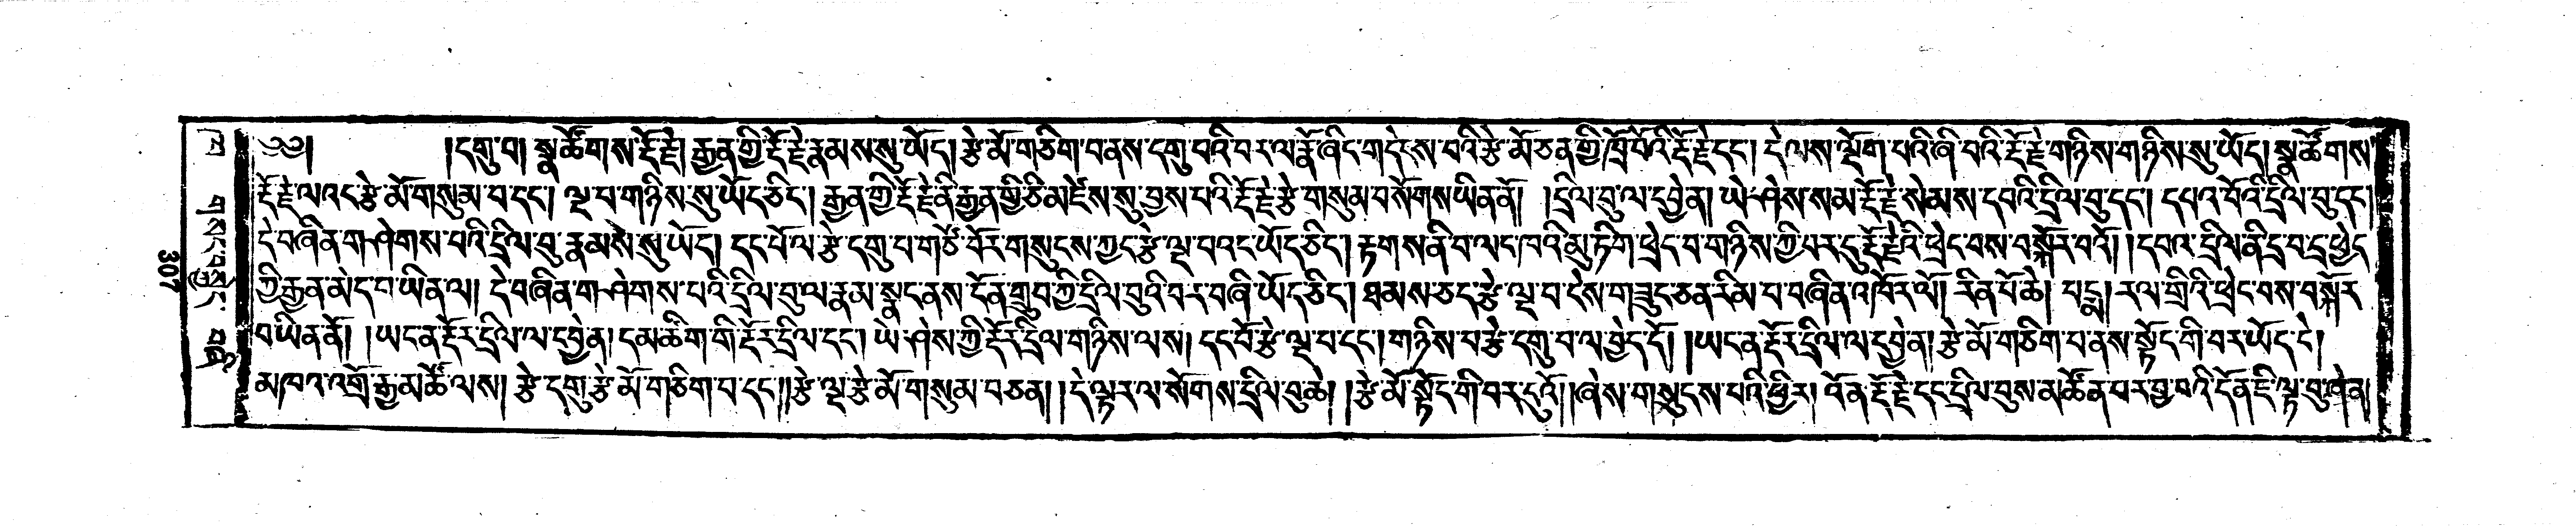༄༅། །དགུ་པ། སྣ་ཚོགས་རྡོ་རྗེ། རྒྱན་གྱི་རྡོ་རྗེ་རྣམས་སུ་ཡོད། རྩེ་མོ་གཅིག་པ་ནས་དགུ་པའི་བར་ལ་རྣོ་ཞིང་གདེངས་པའི་རྩེ་མོ་ཅན་གྱི་ཁྲོ་བོའི་རྡོ་རྗེ་དང་། དེ་ལས་ལྡོག་པའི་ཞི་བའི་རྡོ་རྗེ་གཉིས་གཉིས་སུ་ཡོད། སྣ་ཚོགས་
རྡོ་རྗེ་ལའང་རྩེ་མོ་གསུམ་པ་དང་། ལྔ་བ་གཉིས་སུ་ཡོད་ཅིང་། རྒྱན་གྱི་རྡོ་རྗེ་ནི་རྒྱན་གྱི་ཅི་མཛེས་སུ་བྱས་པའི་རྡོ་རྗེ་རྩེ་གསུམ་པ་སོགས་ཡིན་ནོ། །དྲིལ་བུ་ལ་དབྱེ་ན། ཡེ་ཤེས་སམ་རྡོ་རྗེ་སེམས་དཔའི་དྲིལ་བུ་དང་། དཔའ་བོའི་དྲིལ་བུ་དང་
དེ་བཞིན་གཤེགས་པའི་དྲིལ་བུ་རྣམས་སུ་ཡོད། དང་པོ་ལ་རྩེ་དགུ་པ་གཙོ་བོར་གསུངས་ཀྱང་རྩེ་ལྔ་པའང་ཡོད་ཅིང་། རྟགས་ནི་བ་ལང་ཁའི་མུ་ཏིག་ཕྲེང་བ་གཉིས་ཀྱི་བར་དུ་རྡོ་རྗེའི་ཕྲེང་བས་བསྐོར་བའོ། །དཔའ་དྲིལ་ནི་དྲ་བ་དྲ་ཕྱེད་
ཀྱི་རྒྱན་མེད་པ་ཡིན་ལ། དེ་བཞིན་གཤེགས་པའི་དྲིལ་བུ་ལ་རྣམ་སྣང་ནས་དོན་གྲུབ་ཀྱི་དྲིལ་བུའི་བར་བཞི་ཡོད་ཅིང་། ཐམས་ཅད་རྩེ་ལྔ་པ་ངེས་གཟུང་ཅན་རིམ་པ་བཞིན་འཁོར་ལོ། རིན་པོ་ཆེ། པདམ། རལ་གྲིའི་ཕྲེང་བས་བསྐོར་
བ་ཡིན་ནོ། །ཡང་ན་རྡོར་དྲིལ་ལ་དབྱེ་ན། དམ་ཚིག་གི་རྡོར་དྲིལ་དང་། ཡེ་ཤེས་ཀྱི་རྡོར་དྲིལ་གཉིས་ལས། དང་པོ་རྩེ་ལྔ་བ་དང་། གཉིས་པ་རྩེ་དགུ་པ་ལ་བྱེད་དོ། །ཡང་ན་རྡོར་དྲིལ་ལ་དབྱེ་ན། རྩེ་མོ་གཅིག་པ་ནས་སྟོང་གི་བར་ཡོད་དེ།
མཁའ་འགྲོ་རྒྱ་མཚོ་ལས། རྩེ་དགུ་རྩེ་མོ་གཅིག་པ་དང་། །རྩེ་ལྔ་རྩེ་མོ་གསུམ་པ་ཅན། །དེ་ལྟར་ལ་སོགས་དྲིལ་བུ་ཆེ། །རྩེ་མོ་སྟོང་གི་བར་དུའོ། །ཞེས་གསུངས་པའི་ཕྱིར། འོ་ན་རྡོ་རྗེ་དང་དྲིལ་བུས་མཚོན་པར་བྱ་བའི་དོན་ཇི་ལྟ་བུ་ཞེ་ན།